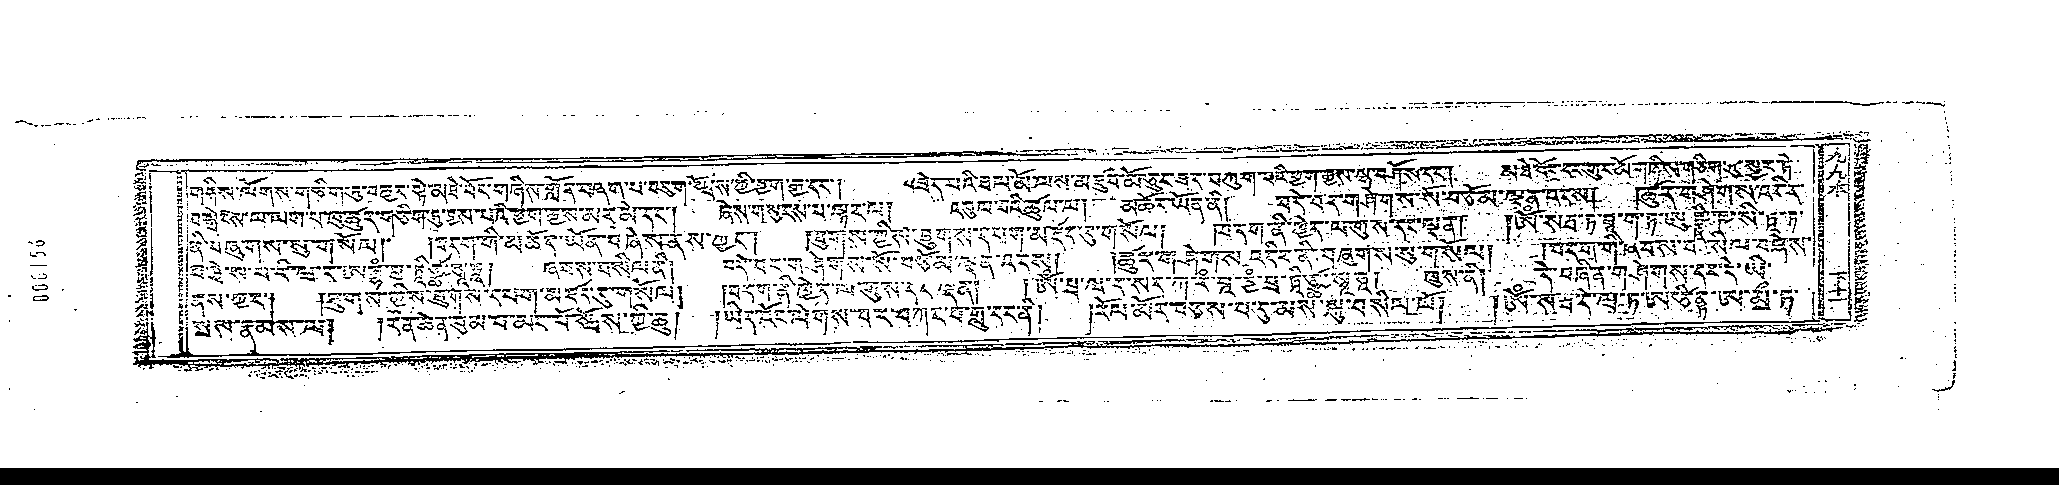གཉིས་ལོགས་གཅིག་ཏུ་བརྐྱང་སྟེ་མཐེ་བོང་གཉིས་གློར་བཞག་པ་བདུག་སྤོས་ཀྱི་ཕྱག་རྒྱ་དང་། བཟད་པའི་ཐལ་མོ་ལས་མཛུབ་མོ་ཅུང་ཟད་བཀུག་པའི་ཕྱག་རྒྱས་ལྷ་བཤོས་དང་། མཐེ་བོང་དང་གུང་མོ་གཉིས་གཅིག་ཏུ་སྦྱར་ཏེ་
བསྒྲེངས་ལ་ལག་པ་ཁུ་ཚུར་གཅིག་ཏུ་བྱས་བའི་ཕྱག་རྒྱས་མར་མེ་དང་། ཞེས་གསུངས་པ་ལྟར་ལ། འབུལ་བའི་ཚུལ་ལ། མཆོད་ཡོན་ནི། བདེ་བར་གཤེགས་སོ་བཅོམ་ལྡན་འདས། །ཚུར་གཤེགས་འདིར་
ནི་བཞུགས་སུ་གསོལ། །བདག་གི་མཆོད་ཡོན་བཞེས་ནས་ཀྱང་། །ཐུགས་ཀྱིས་ཐུགས་དཔག་མཛད་དུ་གསོལ། །བདག་ནི་ཁྱེད་ལ་གུས་དང་ལྡན། །ཨོཾ་སརྦ་ཏ་ཐཱ་ག་ཏ་ཨུ་ཥྞཱི་ཥ་སི་ཏཱ་ཏ་
པ་ཏྲེ་ས་པ་རི་བཱ་ར་ཨརྒྷཾ་པྲ་ཏཱིཙྪ་སྭཱཧཱ། ཞབས་བསིལ་ནི། བདེ་བར་གཤེགས་སོ་བཅོམ་ལྡན་འདས། །ཚུར་གཤེགས་འདིར་ནི་བཞུགས་སུ་གསོལ། །བདག་གི་ཞབས་བསིལ་བཞེས་
ནས་ཀྱང་། །ཐུགས་ཀྱིས་ཐུགས་དཔག་མཛད་དུ་གསོལ། །བདག་ནི་ཁྱེད་ལ་གུས་དང་ལྡན། །ཨོཾ་བྲ་ཝ་ར་སང་ཀ་རཾ་པཱ་དྱི་བྲ་ཏཱིཙྪ་སྭཱཧཱ། ཁྲུས་ནི། དེ་བཞིན་གཤེགས་དང་དེ་ཡི་
སྲས་རྣམས་ལ། །རིན་ཆེན་བུམ་པ་མང་པོ་སྤོས་ཀྱི་ཆུ། །ཡིད་འོང་ལེགས་པར་བཀབ་བ་གླུ་དང་ནི། །རོལ་མོར་བཅས་པ་དུ་མས་སྐུ་བསིལ་ལ། །ཨོཾ་སརྦ་དེ་ཝ་ཏ་ཨ་ཙིནྟ་ཨ་མྲྀ་ཏ་